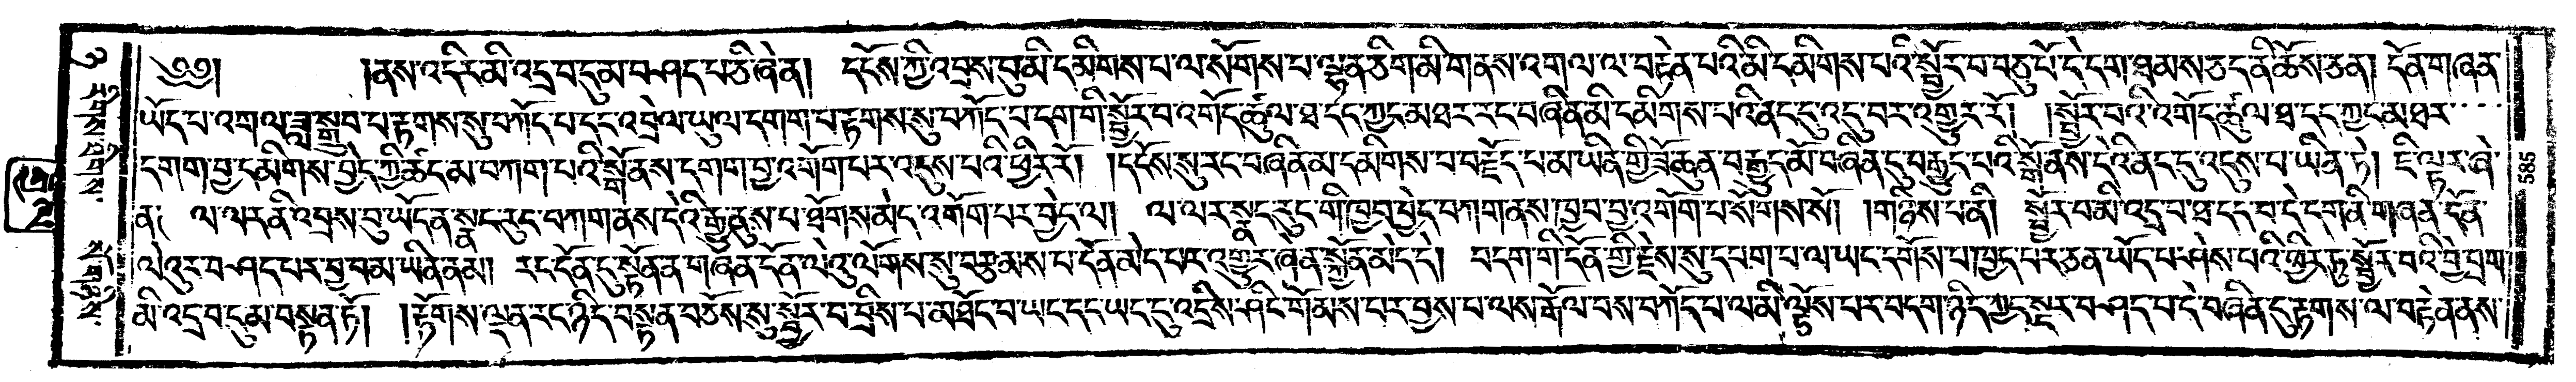༄༅། །ནས་འདིར་མི་འདྲ་བ་དུ་མ་བཤད་པ་ཅི་ཞེ་ན། དངོས་ཀྱི་འབྲས་བུ་མི་དམིགས་པ་ལ་སོགས་པ་ལྷན་ཅིག་མི་གནས་འགལ་ལ་བརྟེན་པའི་མི་དམིགས་པའི་སྦྱོར་བ་བཅུ་པོ་དེ་དག་ཐམས་ཅད་ནི་ཆོས་ཅན། དོན་གཞན་
ཡོད་པ་འགལ་ཟླ་སྒྲུབ་པ་རྟགས་སུ་བཀོད་པ་དང་འབྲེལ་ཡུལ་དགག་པ་རྟགས་སུ་བཀོད་པ་དག་གི་སྦྱོར་བ་འགོད་ཚུལ་ཐ་དད་ཀྱང་མཐར་རང་བཞིན་མི་དམིགས་པའི་ནང་དུ་འདུ་བར་འགྱུར་རོ། །སྦྱོར་བའི་འགོད་ཚུལ་ཐ་དད་ཀྱང་མཐར་
དགག་བྱ་དམིགས་བྱེད་ཀྱི་ཚད་མ་བཀག་པའི་སྒོ་ནས་དགག་བྱ་འགོག་པར་འདུས་པའི་ཕྱིར་རོ། །དངོས་སུ་རང་བཞིན་མ་དམིགས་པ་བརྗོད་པ་མ་ཡིན་གྱི་ཟོ་ཆུན་བརྒྱུད་མོ་བཞིན་དུ་བརྒྱུད་པའི་སྒོ་ནས་དེའི་ནང་དུ་འདུས་པ་ཡིན་ཏེ། ཇི་ལྟར་ཞེ་
ན༑ ལ་ལར་ནི་འབྲས་བུ་ཡོད་ན་སྣང་རུང་བཀག་ནས་དེའི་རྒྱུ་ནུས་པ་ཐོགས་མེད་འགོག་པར་བྱེད་ལ། ལ་ལར་སྣང་རུང་གི་ཁྱབ་བྱེད་བཀག་ནས་ཁྱབ་བྱ་འགོག་པ་སོགས་སོ། །གཉིས་པ་ནི། སྦྱོར་བ་མི་འདྲ་བ་ཐ་དད་བ་དེ་དག་ནི་གཞན་དོན་
ལེའུར་བཤད་པར་བྱ་བ་མ་ཡིན་ནམ། རང་དོན་དུ་སྟོན་ན་གཞན་དོན་ལེའུ་ལོགས་སུ་བརྩམས་པ་དོན་མེད་པར་འགྱུར་ཞེ་ན་སྐྱོན་མེད་དེ། བདག་གི་དོན་གྱི་རྗེས་སུ་དཔག་པ་ལ་ཡང་དགོས་པ་ཁྱད་པར་ཅན་ཡོད་པ་ཤེས་པའི་ཕྱིར་ཏུ་སྦྱོར་བའི་བྱེ་བྲག་
མི་འདྲ་བ་དུ་མ་བསྟན་ཏོ། །རྟོགས་ལྡན་རང་ཉིད་བསྟན་བཅོས་སུ་སྦྱོར་བ་བྲིས་པ་མཐོང་བ་ཡང་དང་ཡང་དུ་འདྲིས་ཤིང་གོམས་པར་བྱས་པ་ལས་རྒོལ་བས་བཀོད་པ་ལ་མི་ལྟོས་པར་བདག་ཉིད་ཀྱང་སྔར་བཤད་པ་དེ་བཞིན་དུ་རྟགས་ལ་བརྟེན་ནས་